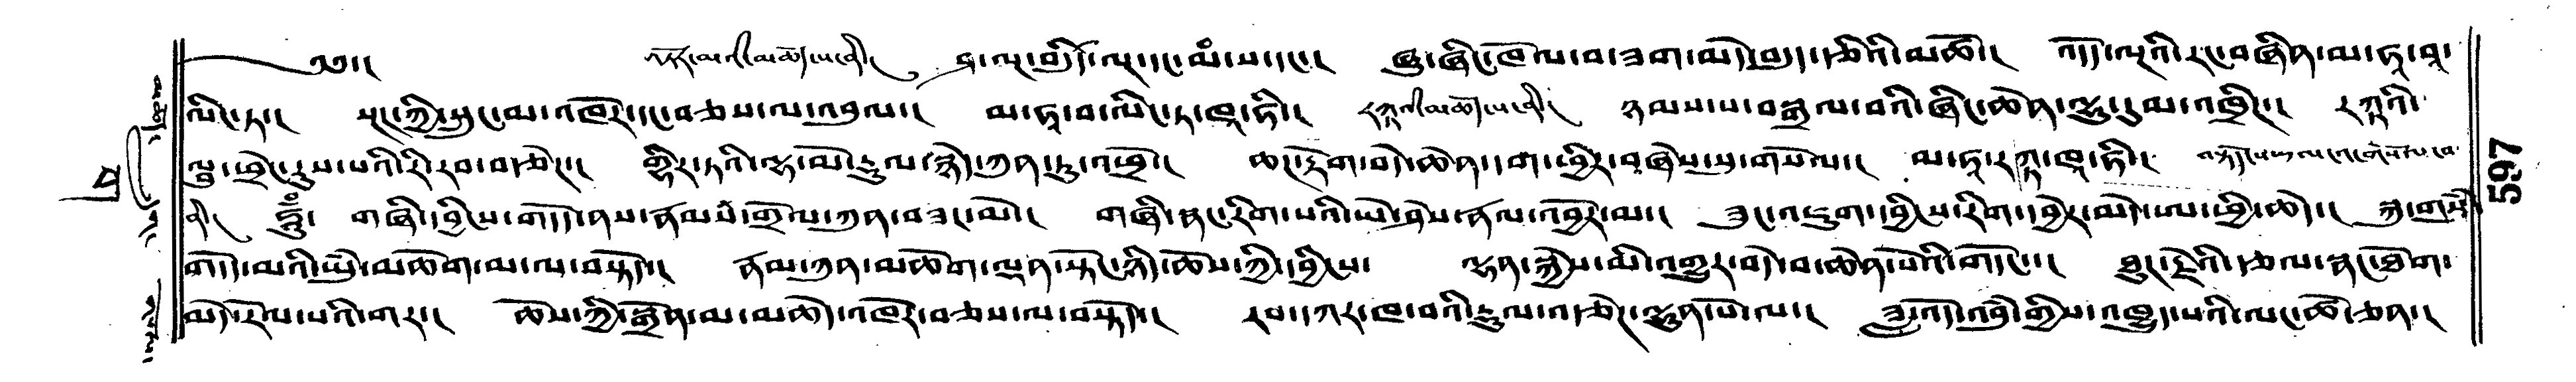གཏོར་མའི་མཆོད་པ་ནི། ཤ་ལྔ་བདུད་རྩི་ལྔ་དང་མཾ་ས་དང་། །ཞུ་ཞིང་ཁོལ་བ་ཟག་མེད་བདུད་རྩིའི་མཆོད། །འདོད་ལྔའི་རང་བཞིན་མ་ཧཱ་བཱ་
ལིང་ཏ། །སྔགས་ཀྱི་སྲུང་མ་འཁོར་དང་བཅས་ལ་འབུལ། །མ་ཧཱ་བ་ལིང་ཏ་ཁཱ་ཧི། རཀྟའི་མཆོད་པ་ནི། ཉམས་པ་བསྒྲལ་བའི་ཞིང་ཆེན་ལྷུ་དུམ་འཁྲིགས། །རཀྟའི་
ལྦུ་ཕྲེང་རུས་པའི་རི་རབ་བརྩེགས། །གྷིར་ཏའི་ལྷ་མོ་རྡུལ་སྙེད་ཀུན་ཏུ་འཕྲོ། ཆགས་རྟོག་བདེ་ཆེན་དག་ཕྱིར་བཞེས་སུ་གསོལ། །མ་ཧཱ་རཀྟ་ཁཱ་ཧི། བསྟོད་པས་མངའ་གསོལ་བ་
ནི། ཧཱུྃ། གཞི་དབྱིངས་གདོད་ནས་རྣམ་གྲོལ་ཀུན་བཟང་མོ། །གཞི་སྣང་རིག་པའི་ཡེ་ཤེས་རྣལ་འབྱོར་མ། །ཟུང་འཇུག་དབྱིངས་རིག་དབྱེར་མེད་ཨ་ཕྱི་མཆོད། །སྐུ་གསུམ་
གདོད་མའི་ཡུམ་མཆོག་མ་ལ་བསྟོད། །རྣམ་ཀུན་མཆོག་ལྡན་སྟོང་ཉིད་ཆོས་ཀྱི་དབྱིངས། །ལྷན་སྐྱེས་མི་འགྱུར་བདེ་བ་ཆེན་པོའི་གདོང་། །ཐུགས་རྗེའི་རྩལ་སྣང་ཐོགས་
མེད་རོལ་པའི་གར། །ཆོས་ཀྱི་སྒྲོན་མ་མཆེད་འཁོར་བཅས་ལ་བསྟོད། །རས་དཀར་ཁ་བའི་རྡུལ་བརྩེགས་ལྷུན་པོ་ལ། །ཟླ་འོད་འབུམ་གྱིས་འཁྱུད་པའི་ལང་ཚོ་ཅན།